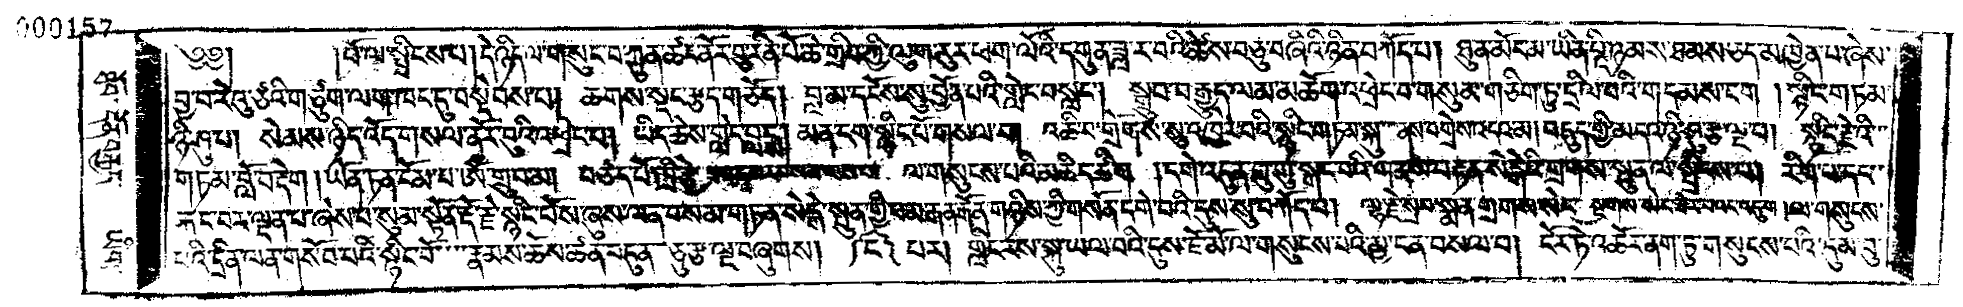༄༅། །པོ་ལ་སྤྲིངས་པ། དེ་ཉིད་ལ་གསུང་བ་ཀུན་ཚང་ནོར་བུ་རིན་པོ་ཆེ་གྲིབ་ཀྱི་ལུག་རུར་ཕག་ལོའི་དགུན་ཟླ་ར་བའི་ཚེས་བཅུ་བཞིའི་ཉིན་བཀོད་པ། ཐུན་མོང་མ་ཡིན་པའི་ཉམས་ཐམས་ཅད་མཁྱེན་པ་ཞེས་
བྱ་བ་རེའུ་ཙའི་གཙུག་ལག་ཁང་དུ་བསྡེབས་པ། ཆགས་སྡང་རྩད་གཅོད། བླ་མ་དངོས་སུ་བྱོན་པའི་གླེང་བསླང་། སྒྲུབ་བརྒྱུད་ལམ་མཆོག་འཕྲེང་བ་གསུམ་གཅིག་ཏུ་དྲིལ་བའི་གདམས་ངག །སྙིང་གཏམ་
ཉི་ཤུ་པ། སེམས་ཉིད་འོད་གསལ་ནོར་བུའི་འཕྲེང་བ། ཡིད་ཆེས་གླེང་བླངས། མན་ངག་སྙིང་པོ་གསལ་བ། འཆི་བ་གྲོགས་སུ་འཁྱེར་བའི་སྙིང་གཏམ་སྐུ་ནས་བགྲེས་འདའ་མ། བདུད་གྱི་མདའ་ཉི་ཤུ་རྩ་ལྔ་པ། སྙིང་རྗེའི་
གཏམ་བློ་བརྡེག །ཡོན་ཏན་ངོམ་པ་ཨོཾ་གྲུབ་མ། བཙད་པོ་ཁྲི་རྩེ་བྲག་དམར་བསམ་ཡས་པ།  ལ་གསུངས་པའི་མཆིད་ཚིག །དགེ་འདུན་གྲུ་གུ་སྒང་བའི་གནས་བརྟན་སེངྒེའི་གྲགས་སྤུན་ལ་སྤྲིངས་པ། རིག་པ་དང་
རྐང་བར་ལྡན་པ་ཞེས་པ་སུམ་སྟོན་རྡོ་རྗེ་སྙིང་པོས་ཞུས་ལན་བསམ་གཏན་སེངྒེ་སྤུན་གྱི་ཕ་མ་རྒན་རྒོན་གཉིས་ཀྱི་གསོན་དགེ་བའི་དུས་སུ་བཀོད་པ། ལྷ་རྗེ་སྲབ་སྨན་གྲགས་སེང་སྔགས་སེང་ཟེར་བའང་འདུག་།ལ་གསུངས་
པའི་དྲིན་ལན་གསོབ་པའི་སྙིང་པོ་རྣམས་ཆོས་ཚན་བདུན་ཅུ་རྩ་ལྔ་བཞུགས། ༼ང༽ པར། གླིང་རས་སྐུ་ཡལ་བའི་དུས་ཇོ་མོ་ལ་གསུངས་པའི་མྱ་ངན་བསལ་བ། ངོར་ཏེ་འཆོར་ནག་ཏུ་གསུངས་པའི་དུམ་བུ་